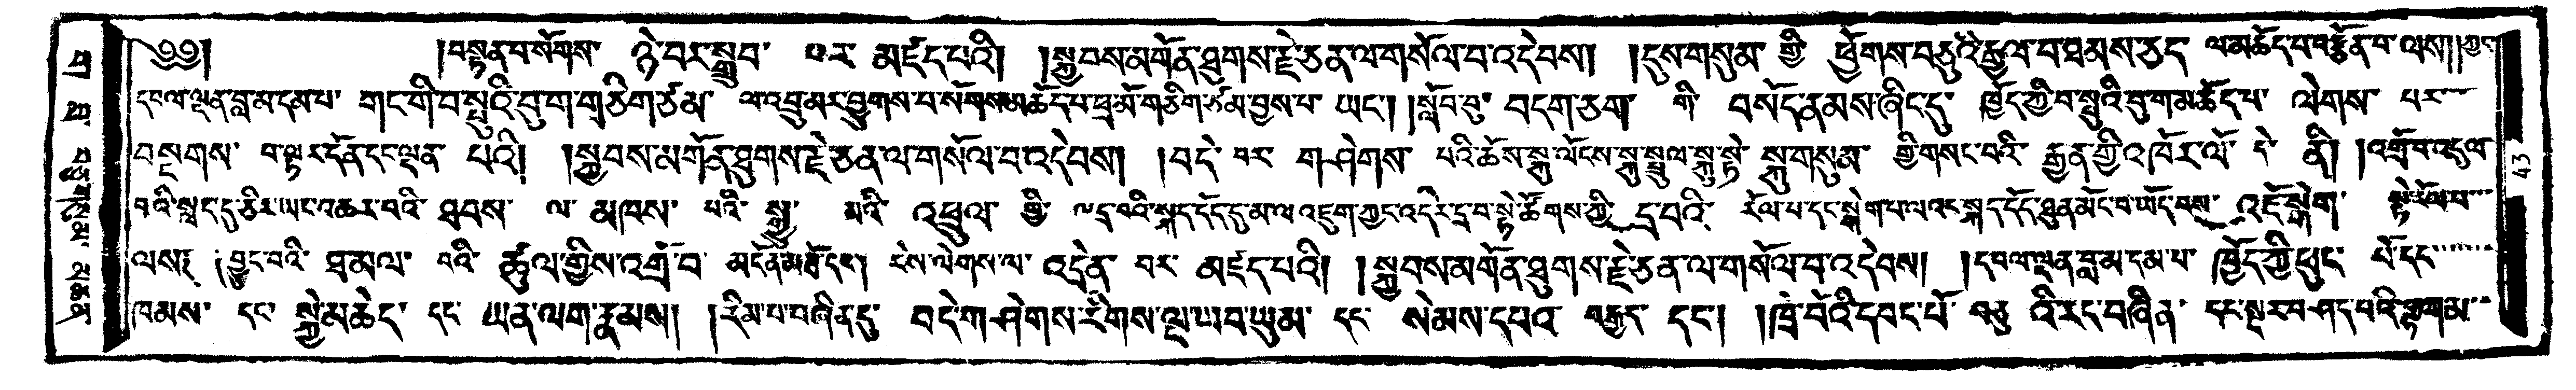༄༅། །བསྟན་པ་སོགས་ཉེ་བར་སྒྲུབ་པར་མཛད་པའི། །སྐྱབས་མགོན་ཐུགས་རྗེ་ཅན་ལ་གསོལ་བ་འདེབས། །དུས་གསུམ་གྱི་ཕྱོགས་བཅུའི་རྒྱལ་བ་ཐམས་ཅད་ལ་མཆོད་པ་བརྩོན་པ་ལས། །ཀྱང་
དཔལ་ལྡན་བླ་མ་དམ་པ་གང་གི་བ་སྤུའི་བུ་ག་གཅིག་ཙམ་ལ་འབྲུ་མར་བྱུགས་པ་སོགས་མཆོད་པ་ཕྲ་མོ་གཅིག་ཙམ་བྱས་པ་ཡང་། །སློབ་བུ་བདག་ཅག་གི་བསོད་ནམས་ཞིང་དུ་ཁྱོད་ཀྱི་བ་སྤུའི་བུ་ག་མཆོད་པ་ལེགས་པར་
བསྔགས་པ་ལྟར་དོན་དང་ལྡན་པའི། །སྐྱབས་མགོན་ཐུགས་རྗེ་ཅན་ལ་གསོལ་བ་འདེབས། །བདེ་བར་གཤེགས་པའི་ཆོས་སྐུ་ལོངས་སྐུ་སྤྲུལ་སྐུ་སྟེ་སྐུ་གསུམ་གྱི་གསང་བའི་རྒྱན་གྱི་འཁོར་ལོ་དེ་ནི། །འགྲོ་བ་འདུལ་
བའི་སླད་དུ་ཅིར་ཡང་འཆར་བའི་ཐབས་ལ་མཁས་པའི་སྒྱུ་མའི་འཕྲུལ་གྱི་༧་དྲ་བའི་སྐད་དོད་དུ་མ་ལ་འཇུག་ཀྱང་འདིར་དྲ་བ་སྟེ་ཚོགས་ཀྱི་དྲ་བའི་རོལ་པ་དང་སྒེག་པ་ལའང་སྐད་དོད་ཐུན་མོང་བ་ཡོད་པས་འཇོ་སྒེག་སྟེ་རོལ་པ་
ལས༑ ༑བྱུང་བའི་ཐ་མལ་བའི་ཚུལ་གྱིས་འགྲོ་བ་མངོན་མཐོ་དང་། ངེས་ལེགས་ལ་འདྲེན་བར་མཛད་པའི། །སྐྱབས་མགོན་ཐུགས་རྗེ་ཅན་ལ་གསོལ་བ་འདེབས། །དཔལ་ལྡན་བླ་མ་དམ་པ་ཁྱོད་ཀྱི་ཕུང་པོ་དང་
ཁམས་དང་སྐྱེ་མཆེད་དང་ཡན་ལག་རྣམས། །རིམ་པ་བཞིན་དུ་བདེ་གཤེགས་རིགས་ལྔ་ཡབ་ཡུམ་དང་སེམས་དཔའ་བརྒྱད་དང་། །ཁྲོ་བོའི་དབང་པོ་བཅུའི་རང་བཞིན་དང་སྔར་བཤད་པའི་ལྷག་མ་